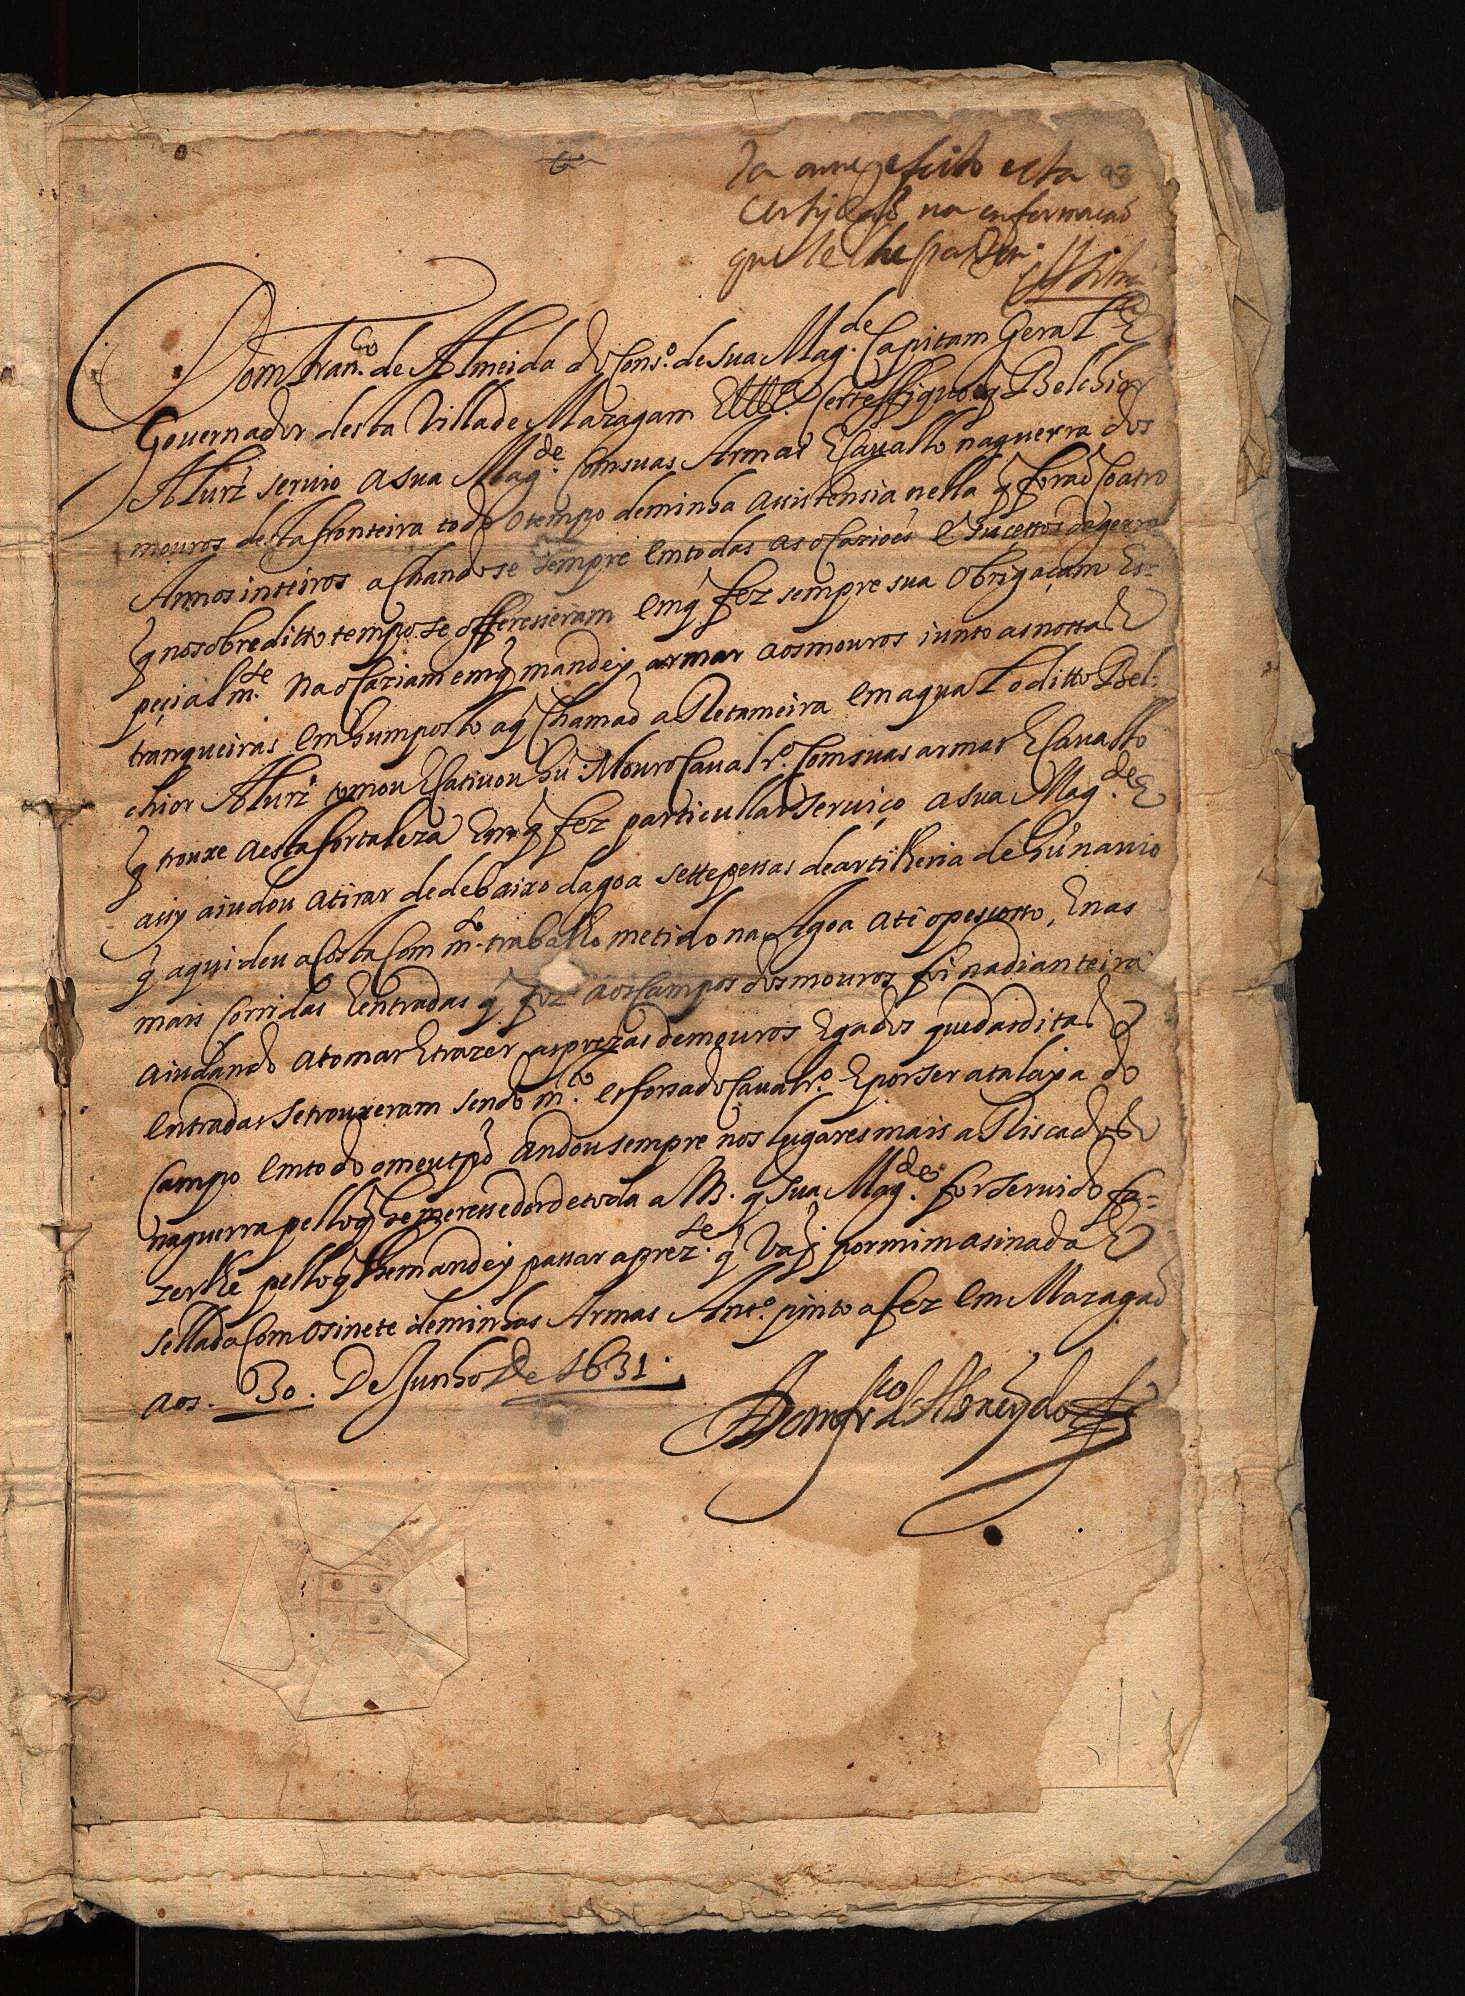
la a me efeito esta
certydaõ na enformaçaõ
que se lhe passou
M Silua
Dom Fran.co de Almeida do Cons.o de sua Mag.de Capitam Geral E
Gouernador desta Villa de Mazagam Et̄tta Certefiquo q̄ Belchior
Alurz̄ seruio a sua Mag.de Com suas Armas E Cauallo na guerra dos
mouros desta fronteira todo o tempo de minha asistensia nella q̄ foraõ Coatro
Annos inteiros aChandose sempre em todas as oCazioẽs e sucessos de gerra
q̄ no sobreditto tempo se offeresseram em q̄ fez sempre sua obrigaçam Es
pecialm.te na oCaziam em q̄ mandey armar aos mouros iunto as nossas
tranqueiras em hum posto a q̄ Chamaõ a Retameira em a qual o ditto Bel
chior Alurz̄ tornou E Catiuou hū Mouro Caualro. Com suas armas E Cauallo
q̄ trouxe a esta fortaleza Em q̄ fez particullar seruiço a sua Mag.de E
assy aiudou a tirar de debaixo dagoa sette pessas de artilheria de hū nauio
q̄ aqui deu a Costa Com m.to trabalho metido na Agoa até o pescosso, E nas
mais Corridas E entradas q̄ fez aos Campos dos mouros foi na dianteira
aiudando a tomar E trazer as prezas de mouros E gados que das ditas
entradas se trouxeram sendo m.to esforsado Caualr.o E por ser atalaya do
Campo em todo o meu tpō andou sempre nos lugares mais aRiscados
na guerra pello q̄ he meressedor de toda a M. q̄ sua Mag.de for seruido fa
zerlhe pello q̄ lhe mandey passar a prez.te q̄ vaj por mim asinada E
sellada Com o sinete de minhas Armas Ant.o pinto a fez em Mazagaõ
aos. 30. De Junho de 1631.
Dom frco de Almeyda
